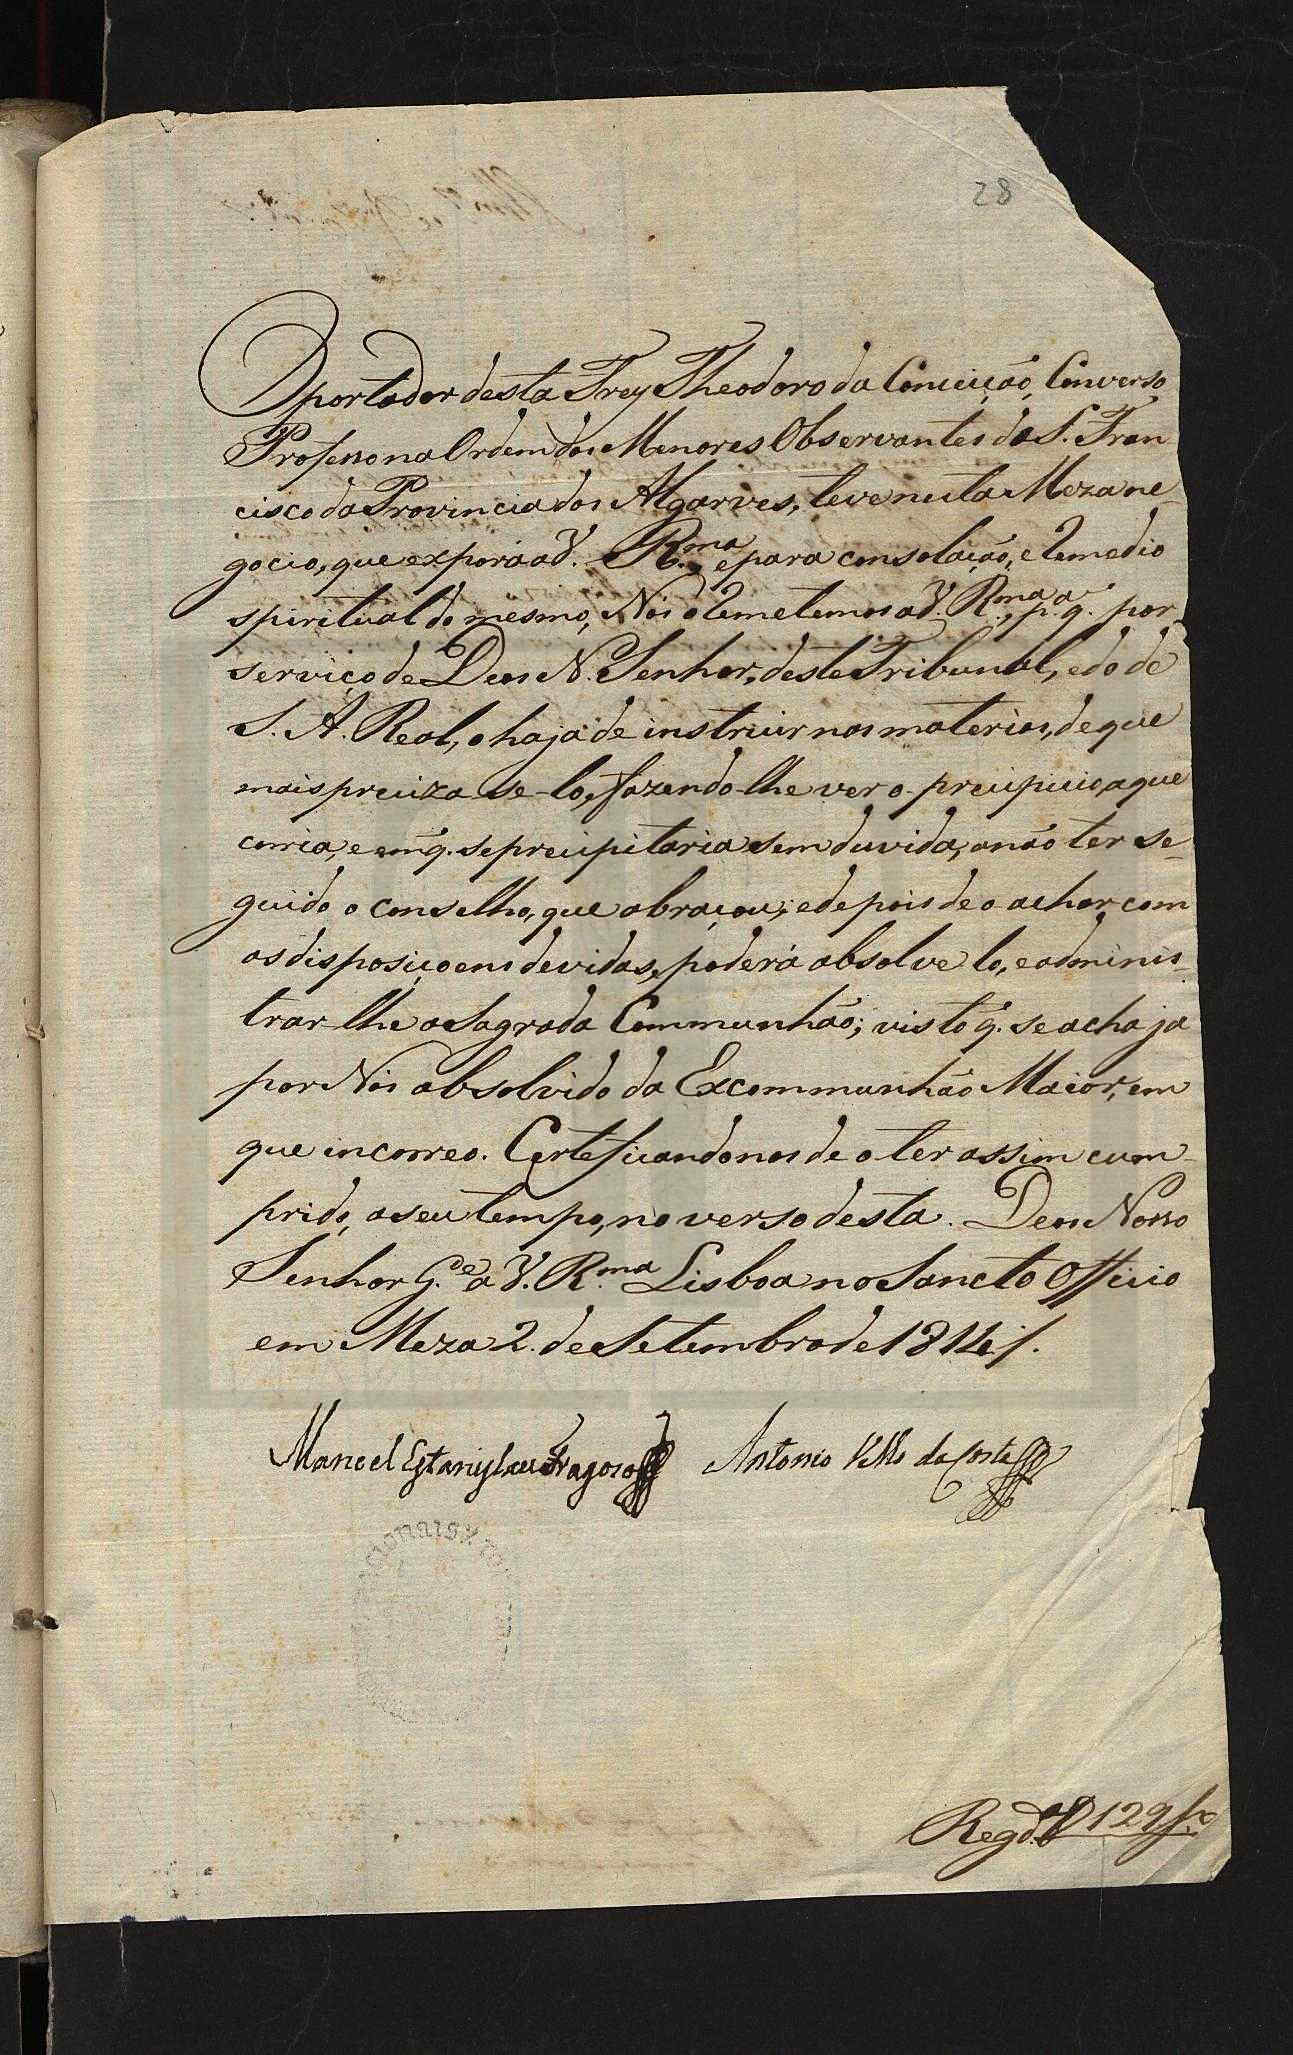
O portador desta Frey Theodoro da Conceiçaõ, Converso
Professo na Ordem dos Menores Observantes de S. Fran
cisco da Provincia dos Algarves, teve nesta Meza ne
gocio, que exporá a V. R.ma e para consolaçaõ, e Remedio
spiritual do mesmo, Nós o Remetemos a V. R.ma, p.a q̄ por
serviço de Deos N. Senhor, deste Tribunal, e do de
S. A. Real, o haja de instruir nas materias, de que
mais preciza se-lo, fazendo-lhe ver o precipicio, a que
corria, e em q̄ se precipitaria sem duvida, o naõ ter se
guido o conselho, que abraçou; e depois de o achar com
as disposiçoens devidas, poderá absolvelo, e adminis
trar-lhe a Sagrada Communhaõ; visto q̄ se acha ja
por Nós absolvido da Excommunhão Maior, em
que incorreo. Certeficandonos de o ter assim cum
prido, o seu tempo, no verso desta. Deos Nosso
Senhor G.e a V. R.ma Lisboa no Sancto Officio
em Meza 2. de Setembro de 1814
Manoel Estanislau Fragoso
Antonio Velho da Costa
Regd.a f 129 f.r
